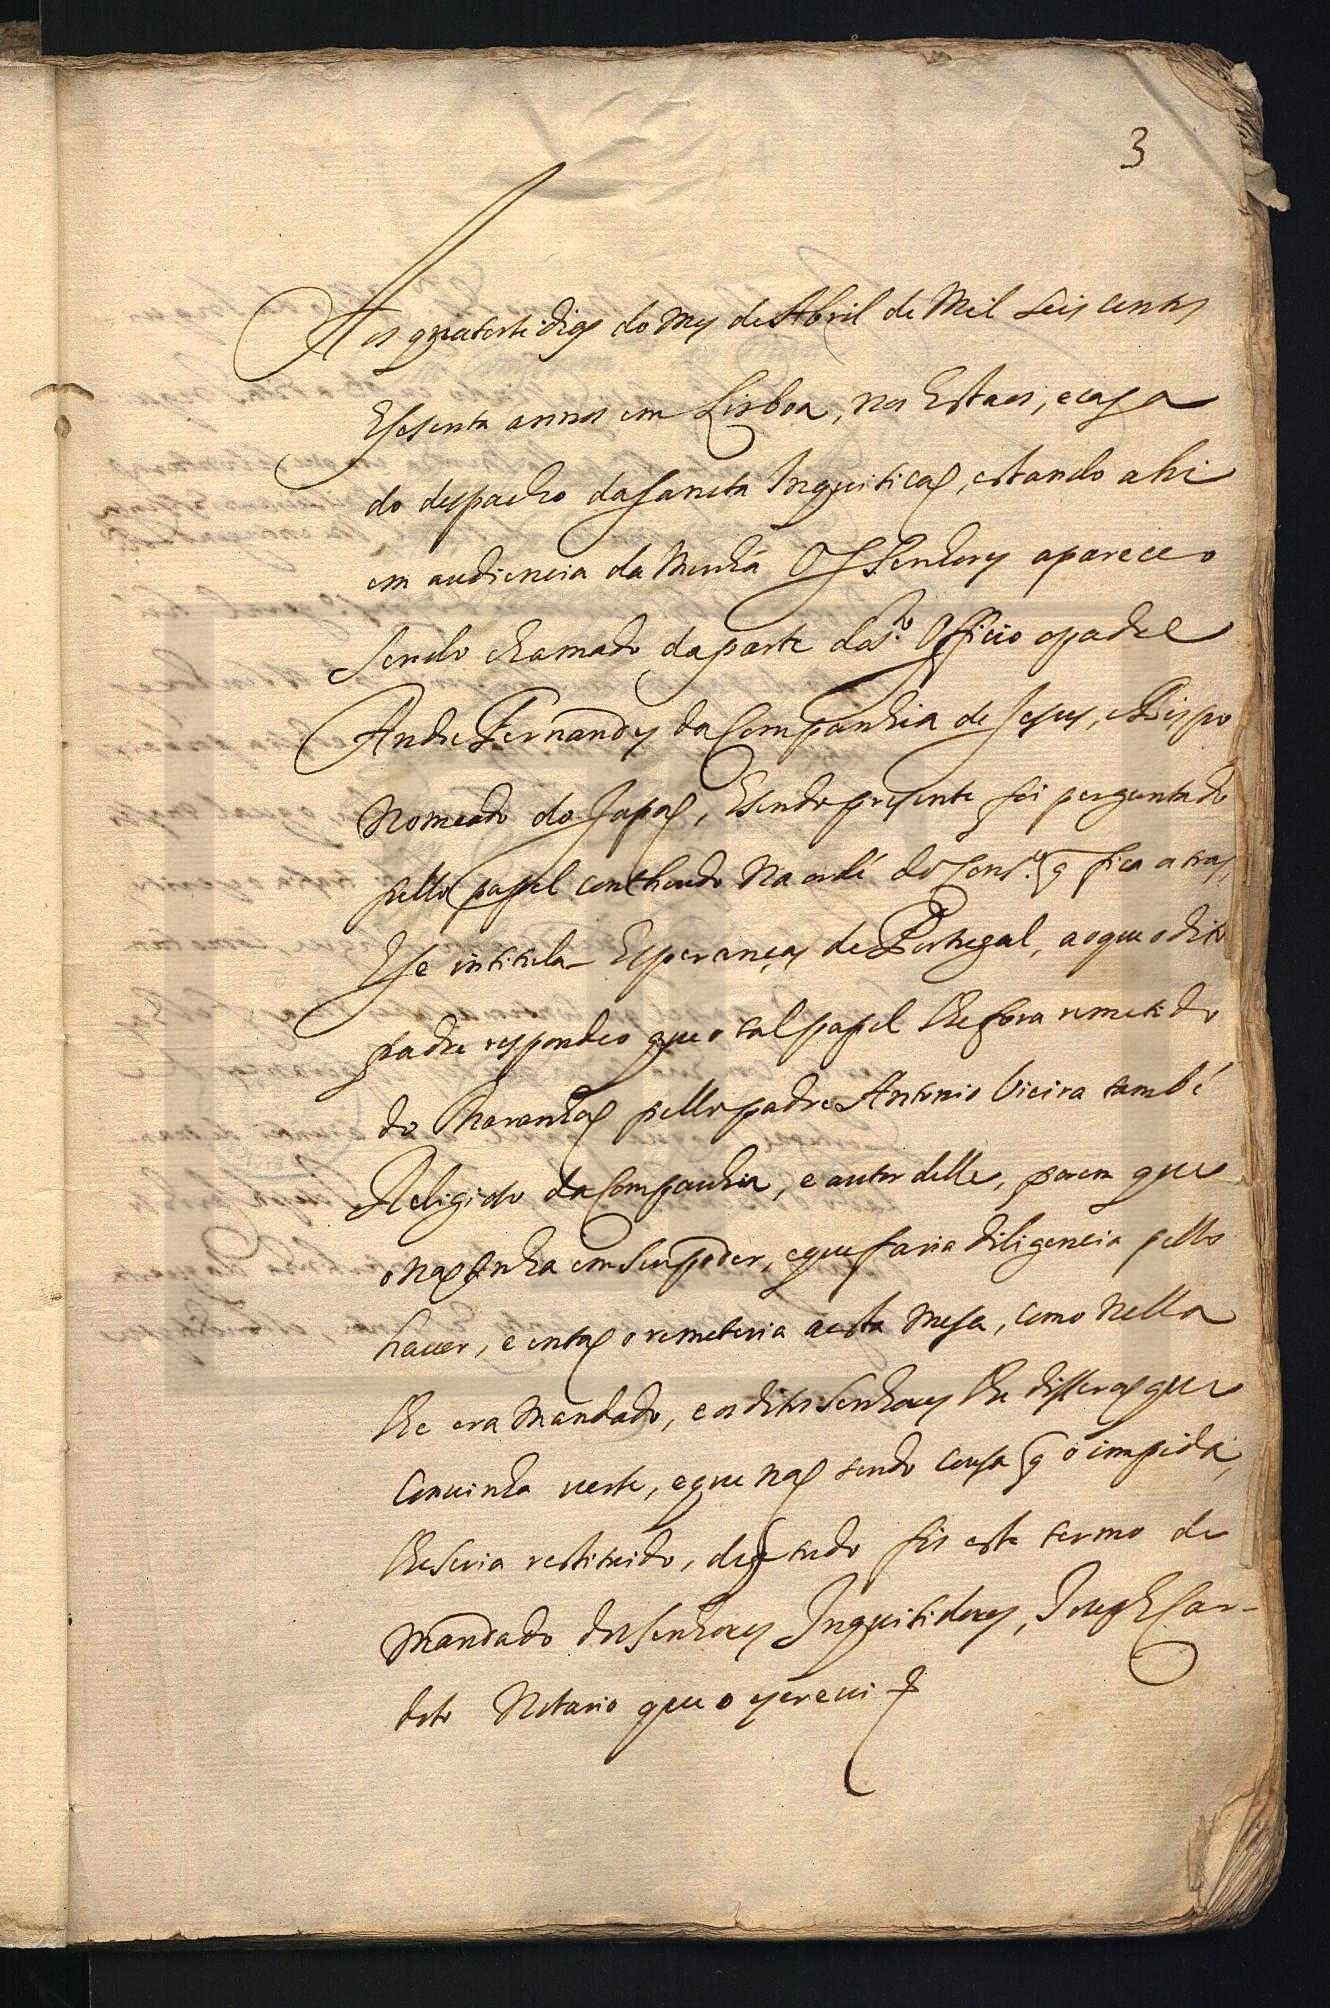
Aos quatorse dias do mes de Abril de mil seiscentos
E sesenta annos em Lisboa, nos Estaos, e casa
do despacho da Sancta Inquisiçaꝭ, estando ahi
em audiencia da Menhã OS Senhores apareceo
Sendo chamado da parte do s.to Officio o padre
Andre Fernandes da Companhia de Jesus, e Bispo
nomeado do Japaꝭ, E sendo presente foi perguntado
pello papel contheudo na ordē do Cons.o q̄ fica atras
E se intitula Esperanças de Portugal, ao que o dito
padre respondeo que o tal papel lhe fora remetido
do Maranhaꝭ pello padre Antonio Vieira tambē
Religioso da Companhia, e autor delle, porem que
o naꝭ tinha em seu poder, e que faria diligencia pello
hauer, e então o remeteria a esta mesa, como nella
lhe era mandado, e os ditos Senhores lhe disseraꝭ que
conuinha uerse, e que naꝭ tendo cousa q̄ o impida,
lhe seria restituido, de q̄ tudo fis este termo de
mandado dos Senhores Inquisidores, Ioseph Car
doso Notario que o escreui
